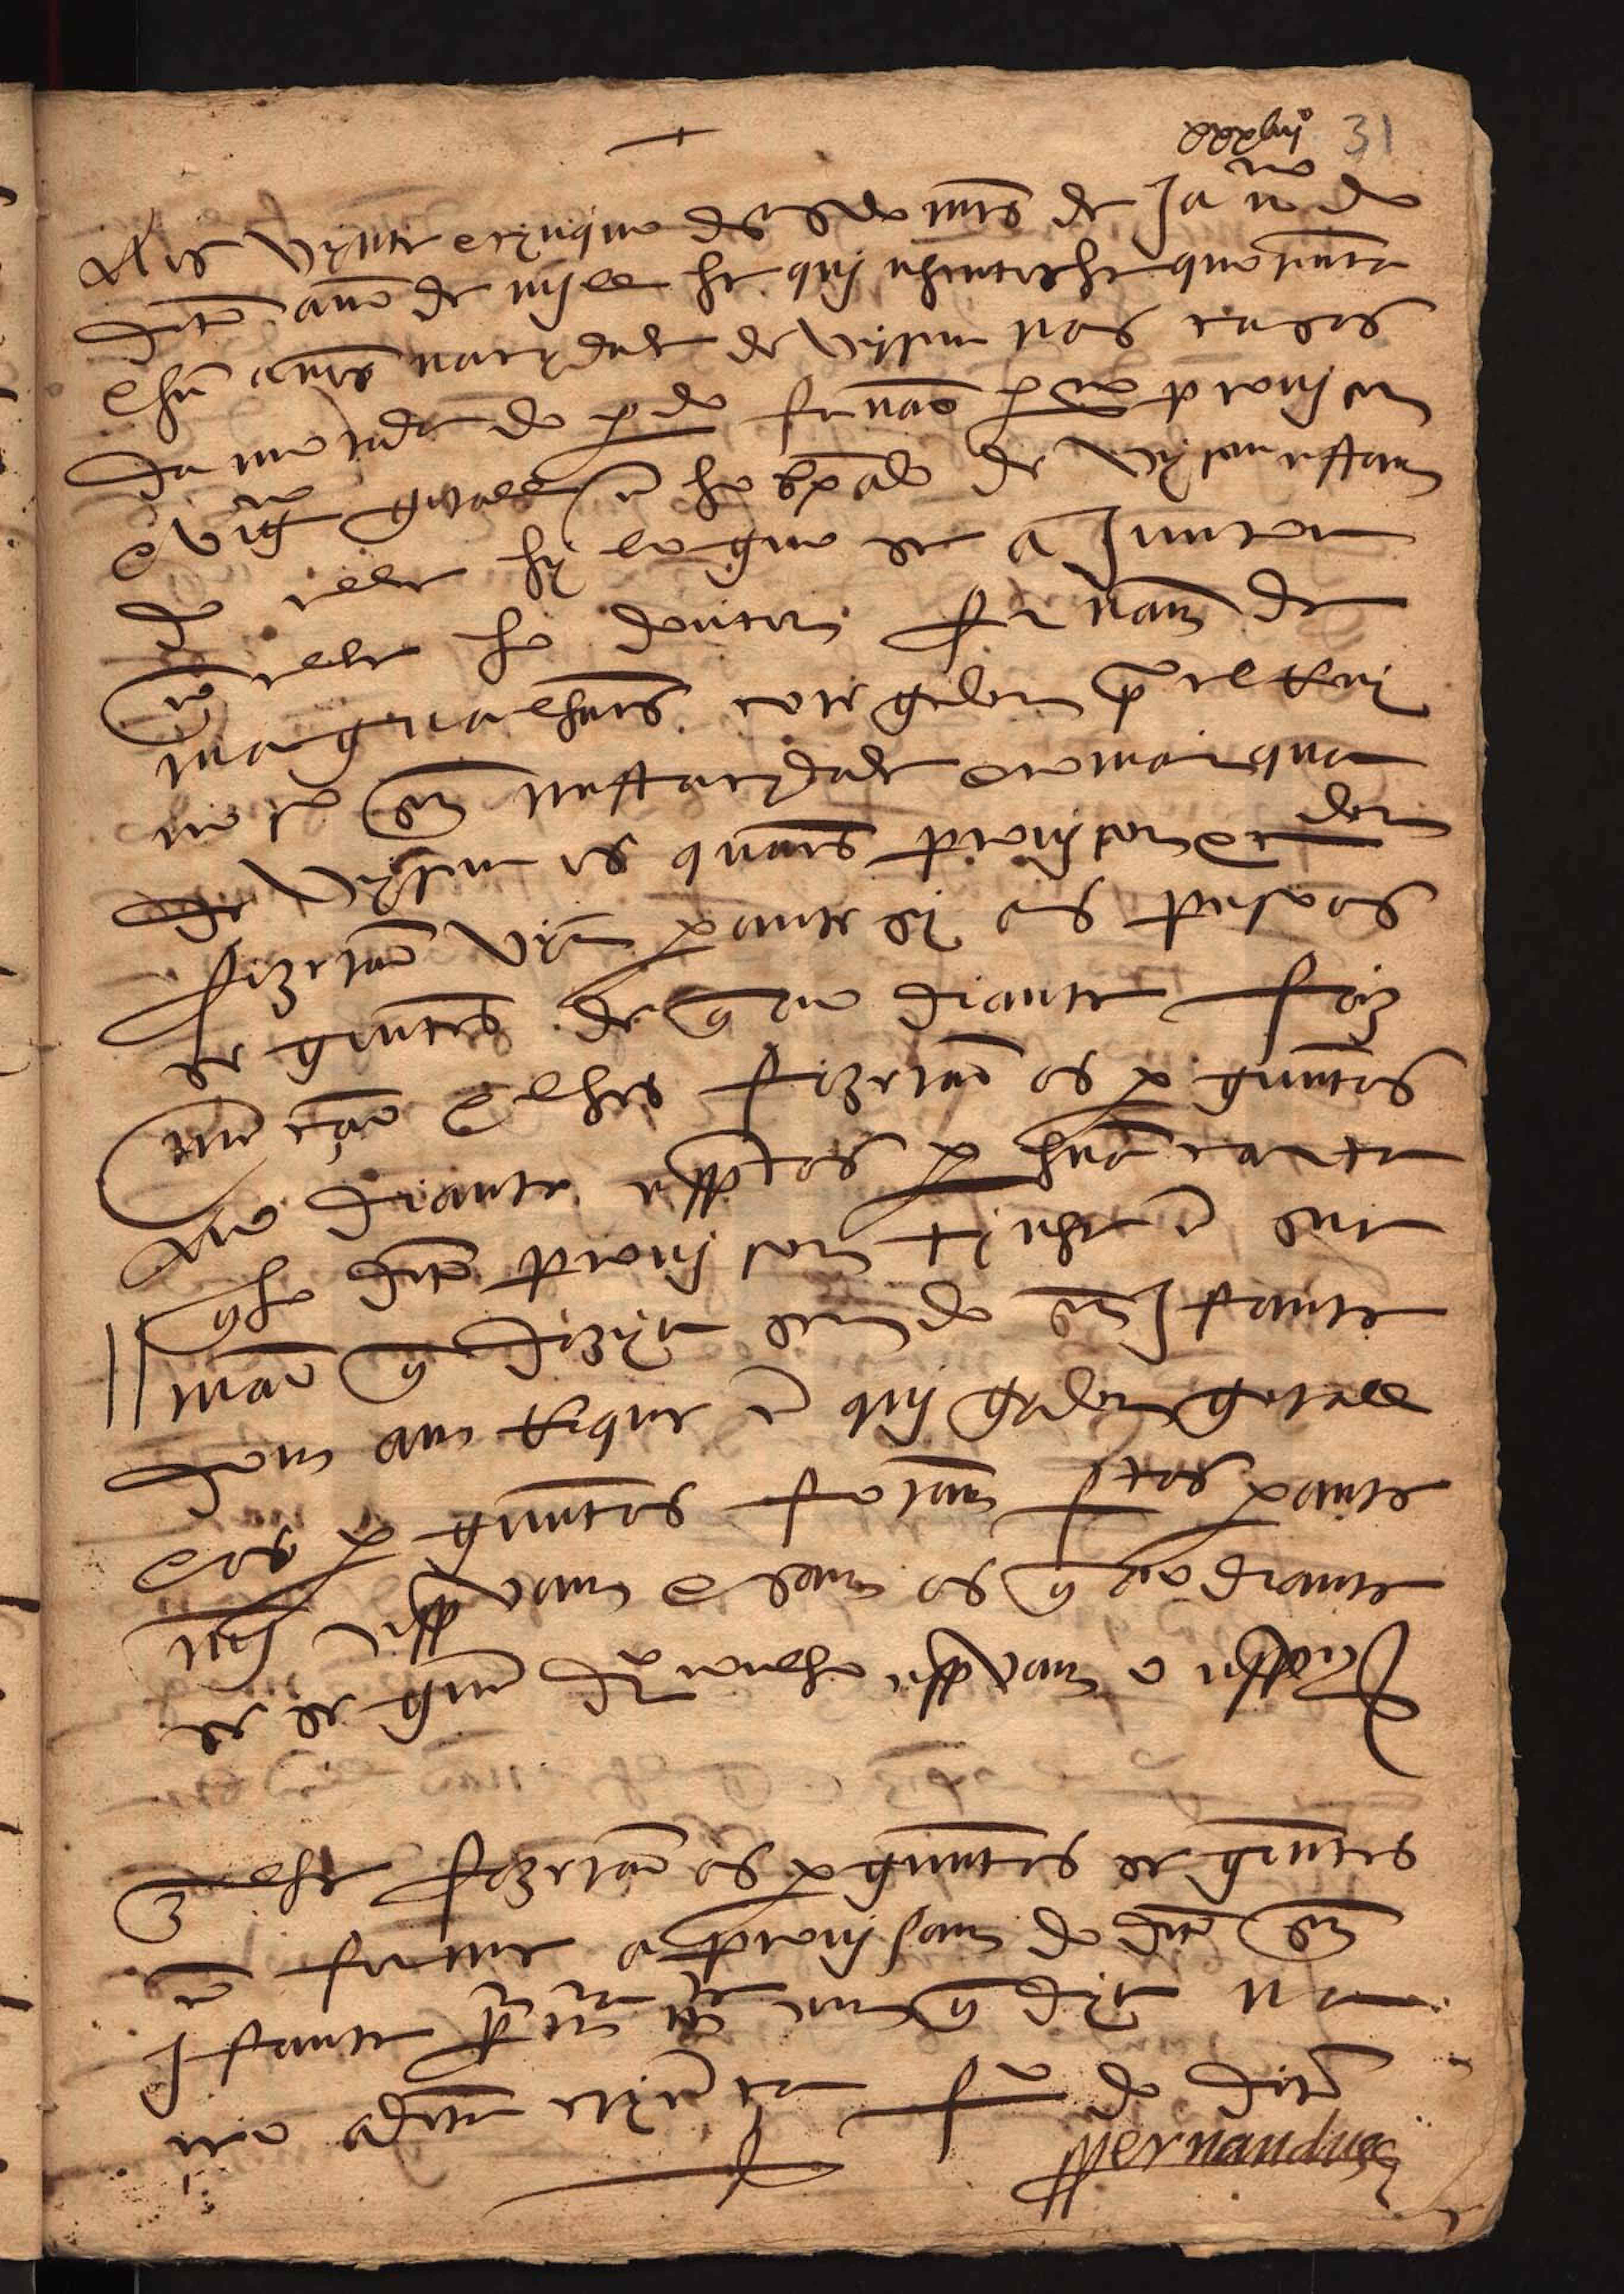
xxxbijo
Aos Vynte e cynquo dias do mes de Janro do
dito an̄o de mjll he qujnhentos he quorenta
e hū an̄os na cydade de Vyseu nas casas
da morada do Ldo fernão Lco proujsor
e vigro girall ē ho b̄pado de Vyseu estam
do elle hy loguo se aJuntou
c̄o elle ho doutor fernam de
magualhães coregedor p̄o el Rey
noso s̄or nesta cjdade e comarqua
de Vyseu os quāes proujsor e cdor
fizerão vyr ꝑante sy as pesoas
seguītes de q̄ ao diante faz
mēção e lhes fyzerão as ꝑguntas
Ao diante esp̄tas ꝑ huā carta
q̄ ho dito proujsor tynha ē sua
mão q̄ dizya ser do s̄or Jfante
dom amRique ēqujgydor gerall
e as ꝑguntas foram ftas ꝓante
m̄j esp̄vam e sam as q̄ ao diante
se seguē dio coelho esp̄vam o esp̄vy
item lhe fizerão as ꝑguntas seḡintes
c̄oforme a proujsam do dito s̄or
Jfante ꝑ̄mramte em q̄ dya na
çeo a dita cryāça fo do dito
